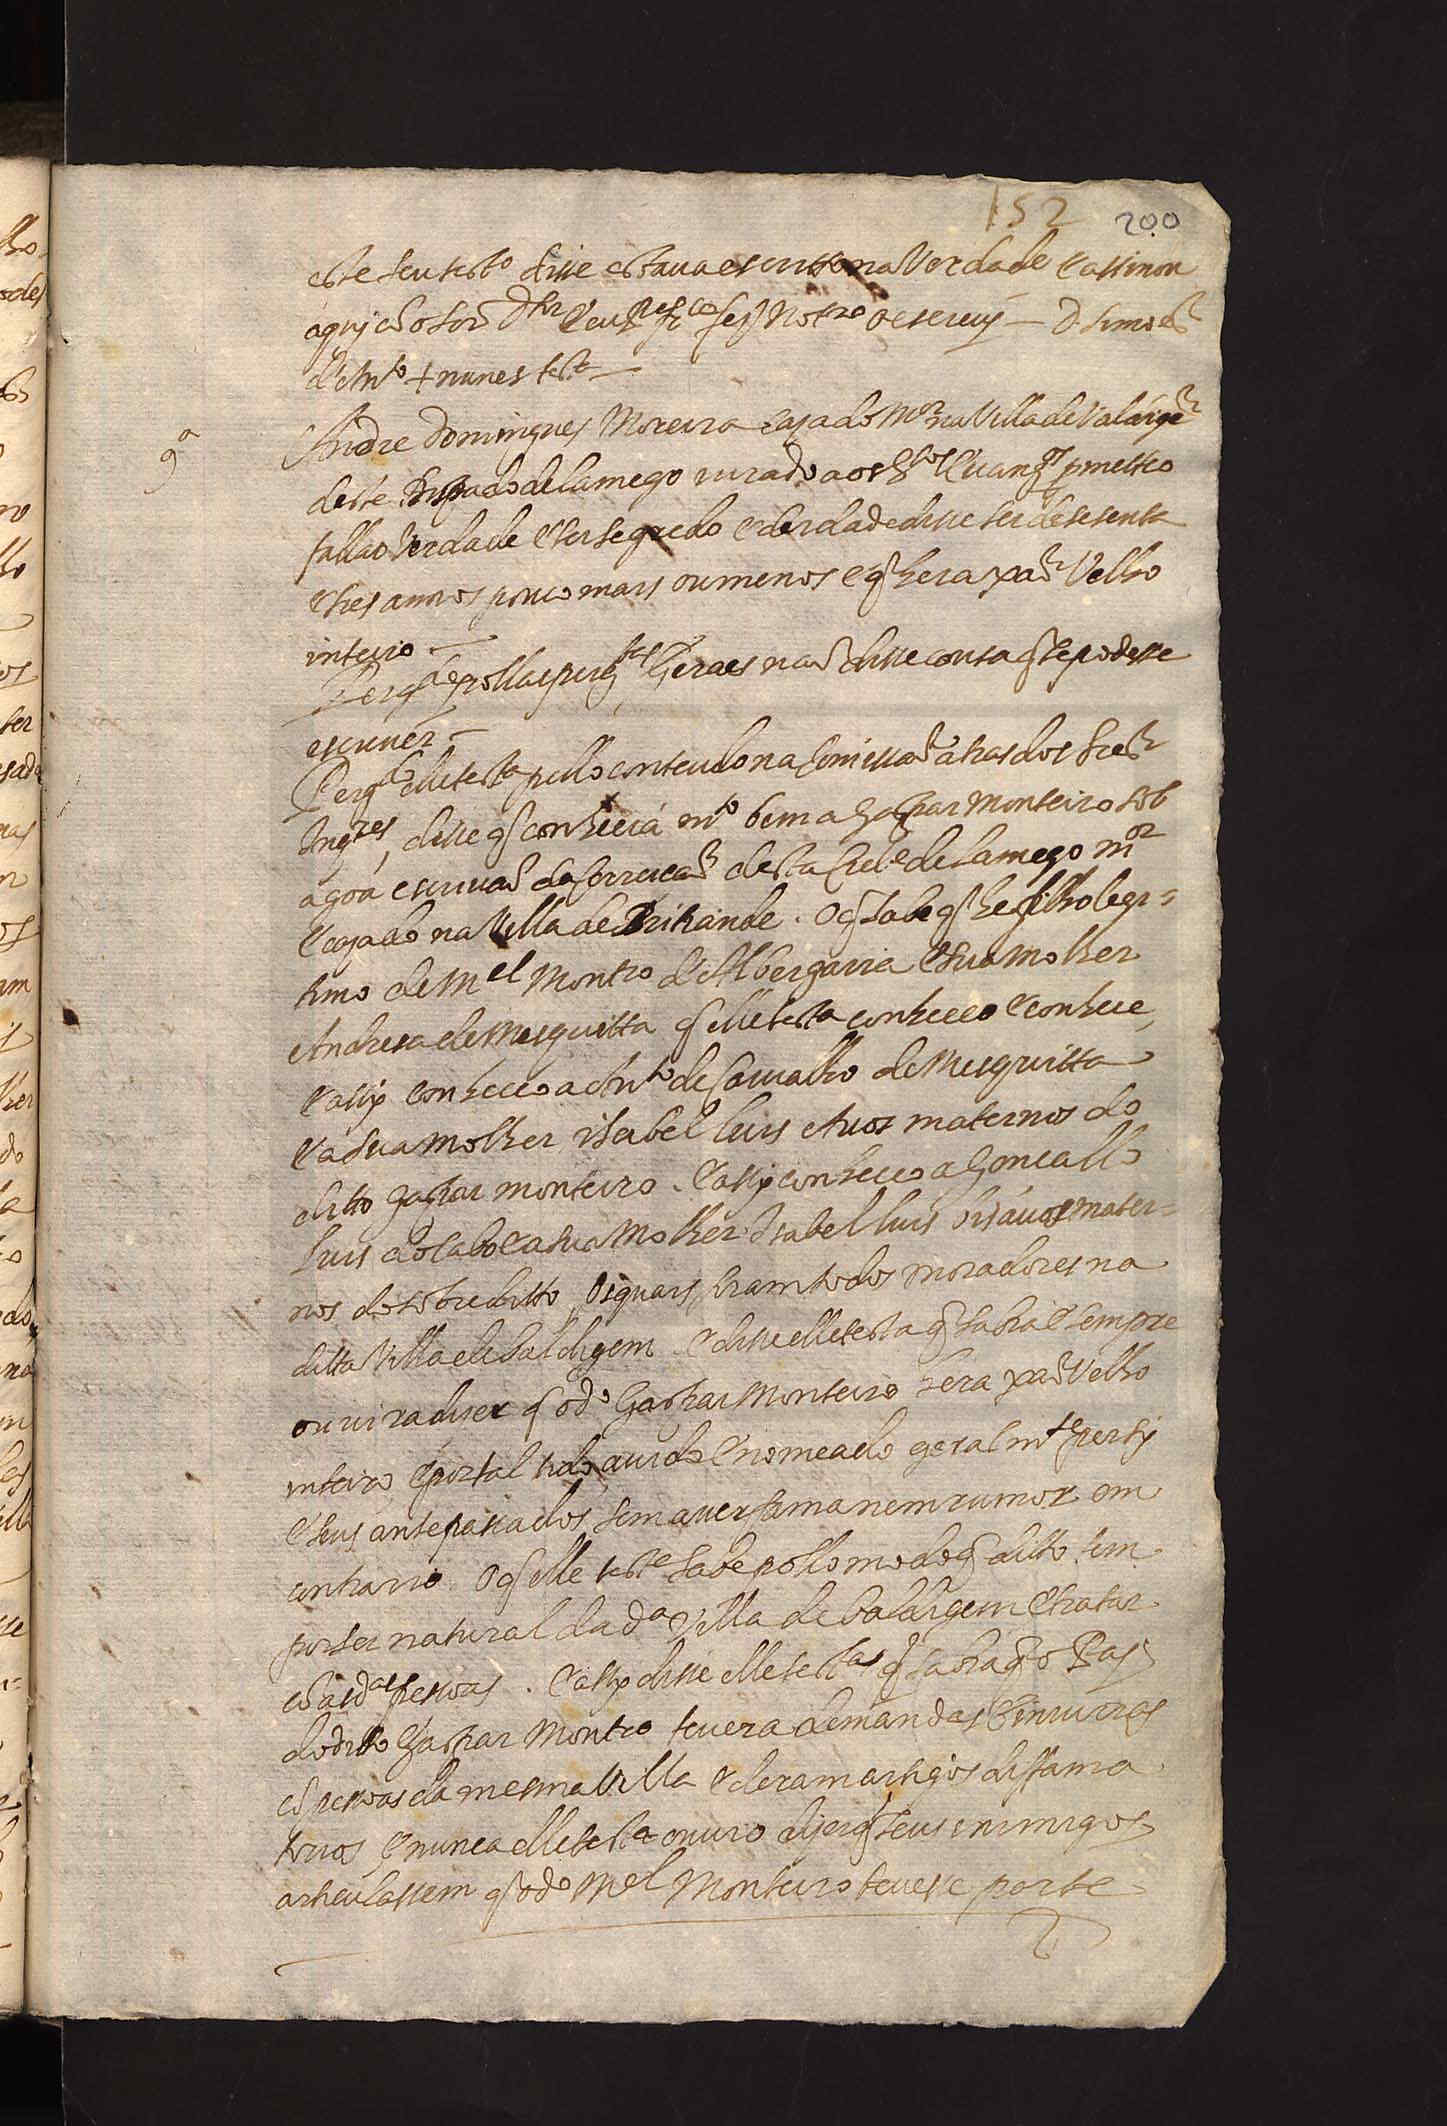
este seu testo disse estaua escritto na Verdade E assinou
aquj cō o sor Dtor E eu Pe frco fez̄ Notro o escreuj – D. Simões
d'Anto + nunes test.a
Andre domingues Moreira cazado Mor na Villa de Valdigē
deste Bispado de lamego iurado aos Stos Euang.os ꝓmetteo
fallar verdade e ser segredo e de idade disse ser de sesenta
e tres annos pouco mais ou menos e q̄ era xpaõ Velho
inteiro
Pergdo pollas pergtas Geraes naõ disse cousa q̄ se podesse
escreuer
Pergdo elle testa pollo conteudo na Comissaõ atras dos sres̄
Inqres, disse q̄ conhecia mto bem a gaspar monteiro sob
agoa escriuaõ da Correiçaõ desta Cide de Lamego mor
E cazado na villa de Britiande. O q̄ sabe q̄ he filho legi
timo de Mel Montro d'Albergaria E sua molher
Andresa de mesquitta q̄ elle testa conheceo e conhece,
E assy conheceo a Anto de Carualho de Mesquitta
E a sua molher isabel luis Auos maternos do
ditto gaspar monteiro E assy conheceo a Gonçallo
Luis do Cabo e a sua molher Isabel luis bisauos mater
nos do sobreditto Os quais foram todos moradores na
ditta villa de baldigem E disse elle testa q̄ sabia e sempre
ouuira dizer q̄ o do Gaspar Monteiro hera xaõ velho
inteiro e por tal tido auido E nomeado geralmte per sy
E seus antepassados sem auer fama nem rumor em
contrario O q̄ elle testa sabe pollo modo q̄ ditto tem
por ser natural da da Villa de baldigem E tratar
cō as das pessoas. E assy disse elle testa q̄ sabia q̄ o Paj
do ditto Gaspar Montro teuera demandas E iniurias
cō pessoas da mesma Villa e deram artigos diffama
torios, E nunca elle testa ouuio dizer q̄ seus enimigos
articulassem q̄ o do Mel Monteiro teuesse parte
